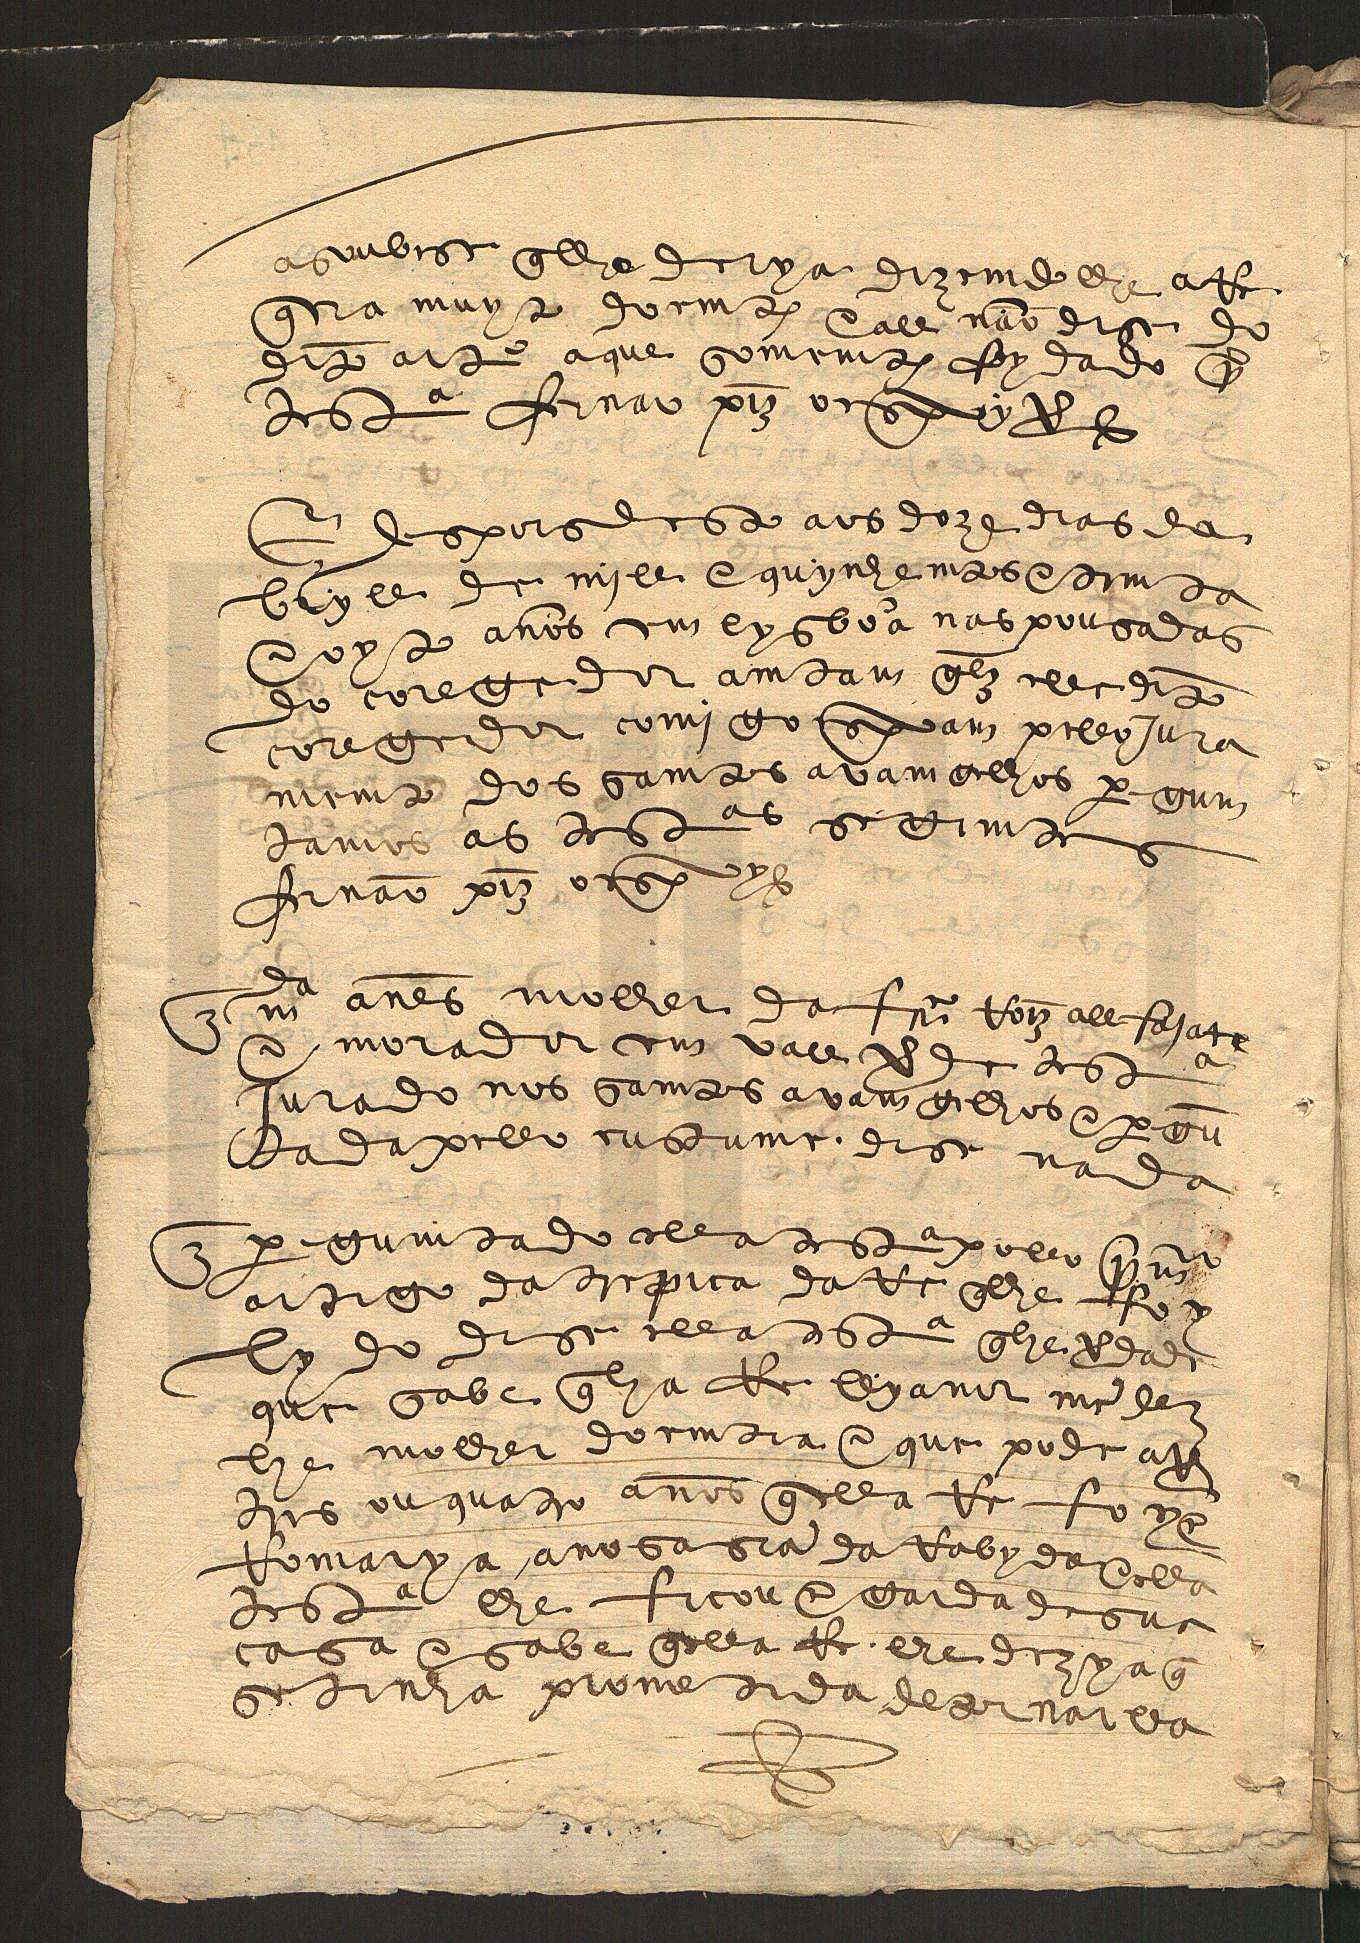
a soubese q̄ lhe derya dizemdo lhe a Re
q̄ era muyto doemtꝭ e all não dise do
dito arto a que somemtꝭ foy dado p̄o
testa fernao pīz o esp̄vy
E despois desto aos doze dias da
bryll de mjll e quyhemtos e trinta
e oyto anōs em lysboā nas pousadas
do coregedor amtam ḡlz elle dito
coregedor comjgo esp̄vam pello Jura
memto dos samtos avamgelhos ꝑegum
tamos as testas segimtes
fernão pīz o esp̄vy
item mda an̄es molher da frço Roīz allfajate
e morador em vall ꝟde testa
Jurado nos samtos avamgelhos e ꝑeḡu
tada pello custume . dise nada
item ꝑegumtado ella testa pollo p̄mro
artigo da trepica da Re q̄ lhe foy
lydo dise ella testa q̄ he ꝟdade
que sabe q̄ ha Re llyanor mēdez
he molher doemtia e que pode aꝟ
tres ou quatro an̄os q̄ ella Re foy ē
Romarya a nosa srā daRabyda e ella
testa lhe ficou ē garda de sua
casa e sabe q̄ ella Re . lhe dezya q̄
se tinha prometida de tornar lla
